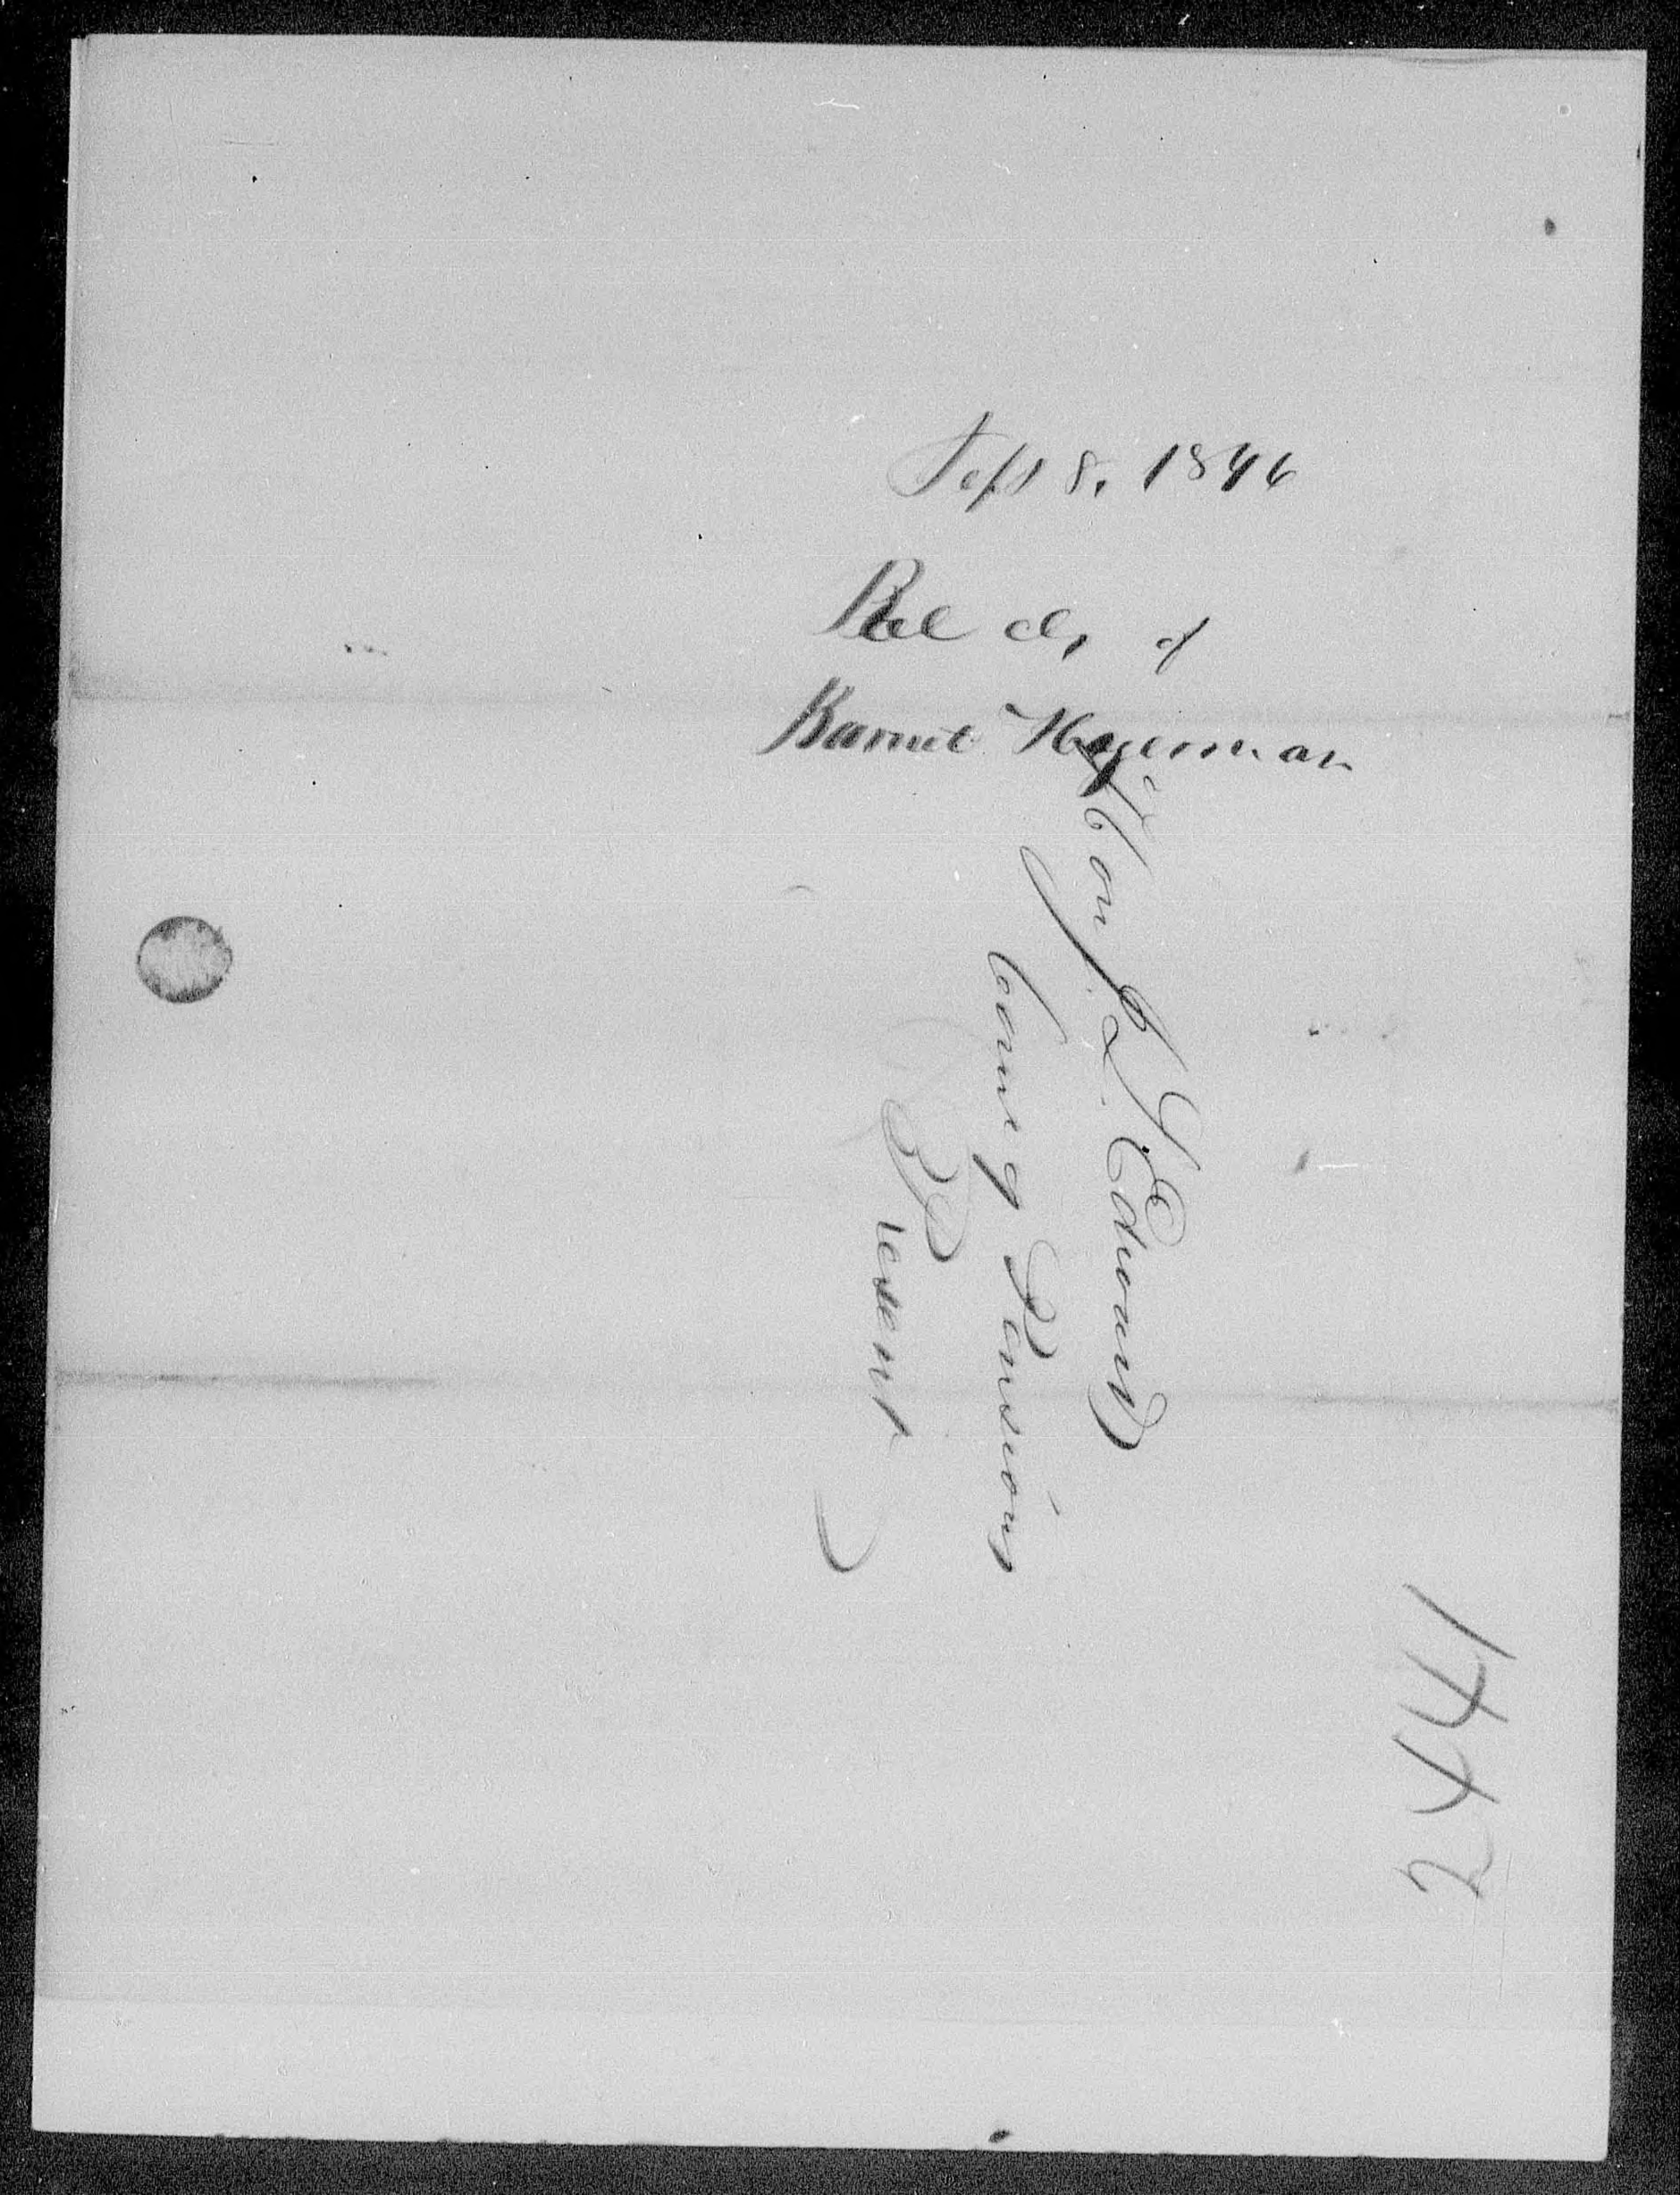Sept 8 1846

Recd sof 

Barnet Hagerman


Com J. L Edwards

Com of Pensions

Present


2441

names: J L Edwards, Barnet Hogerman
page: 24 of 32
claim: rejected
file: R. 2441, Aaron Crane, New Jersey